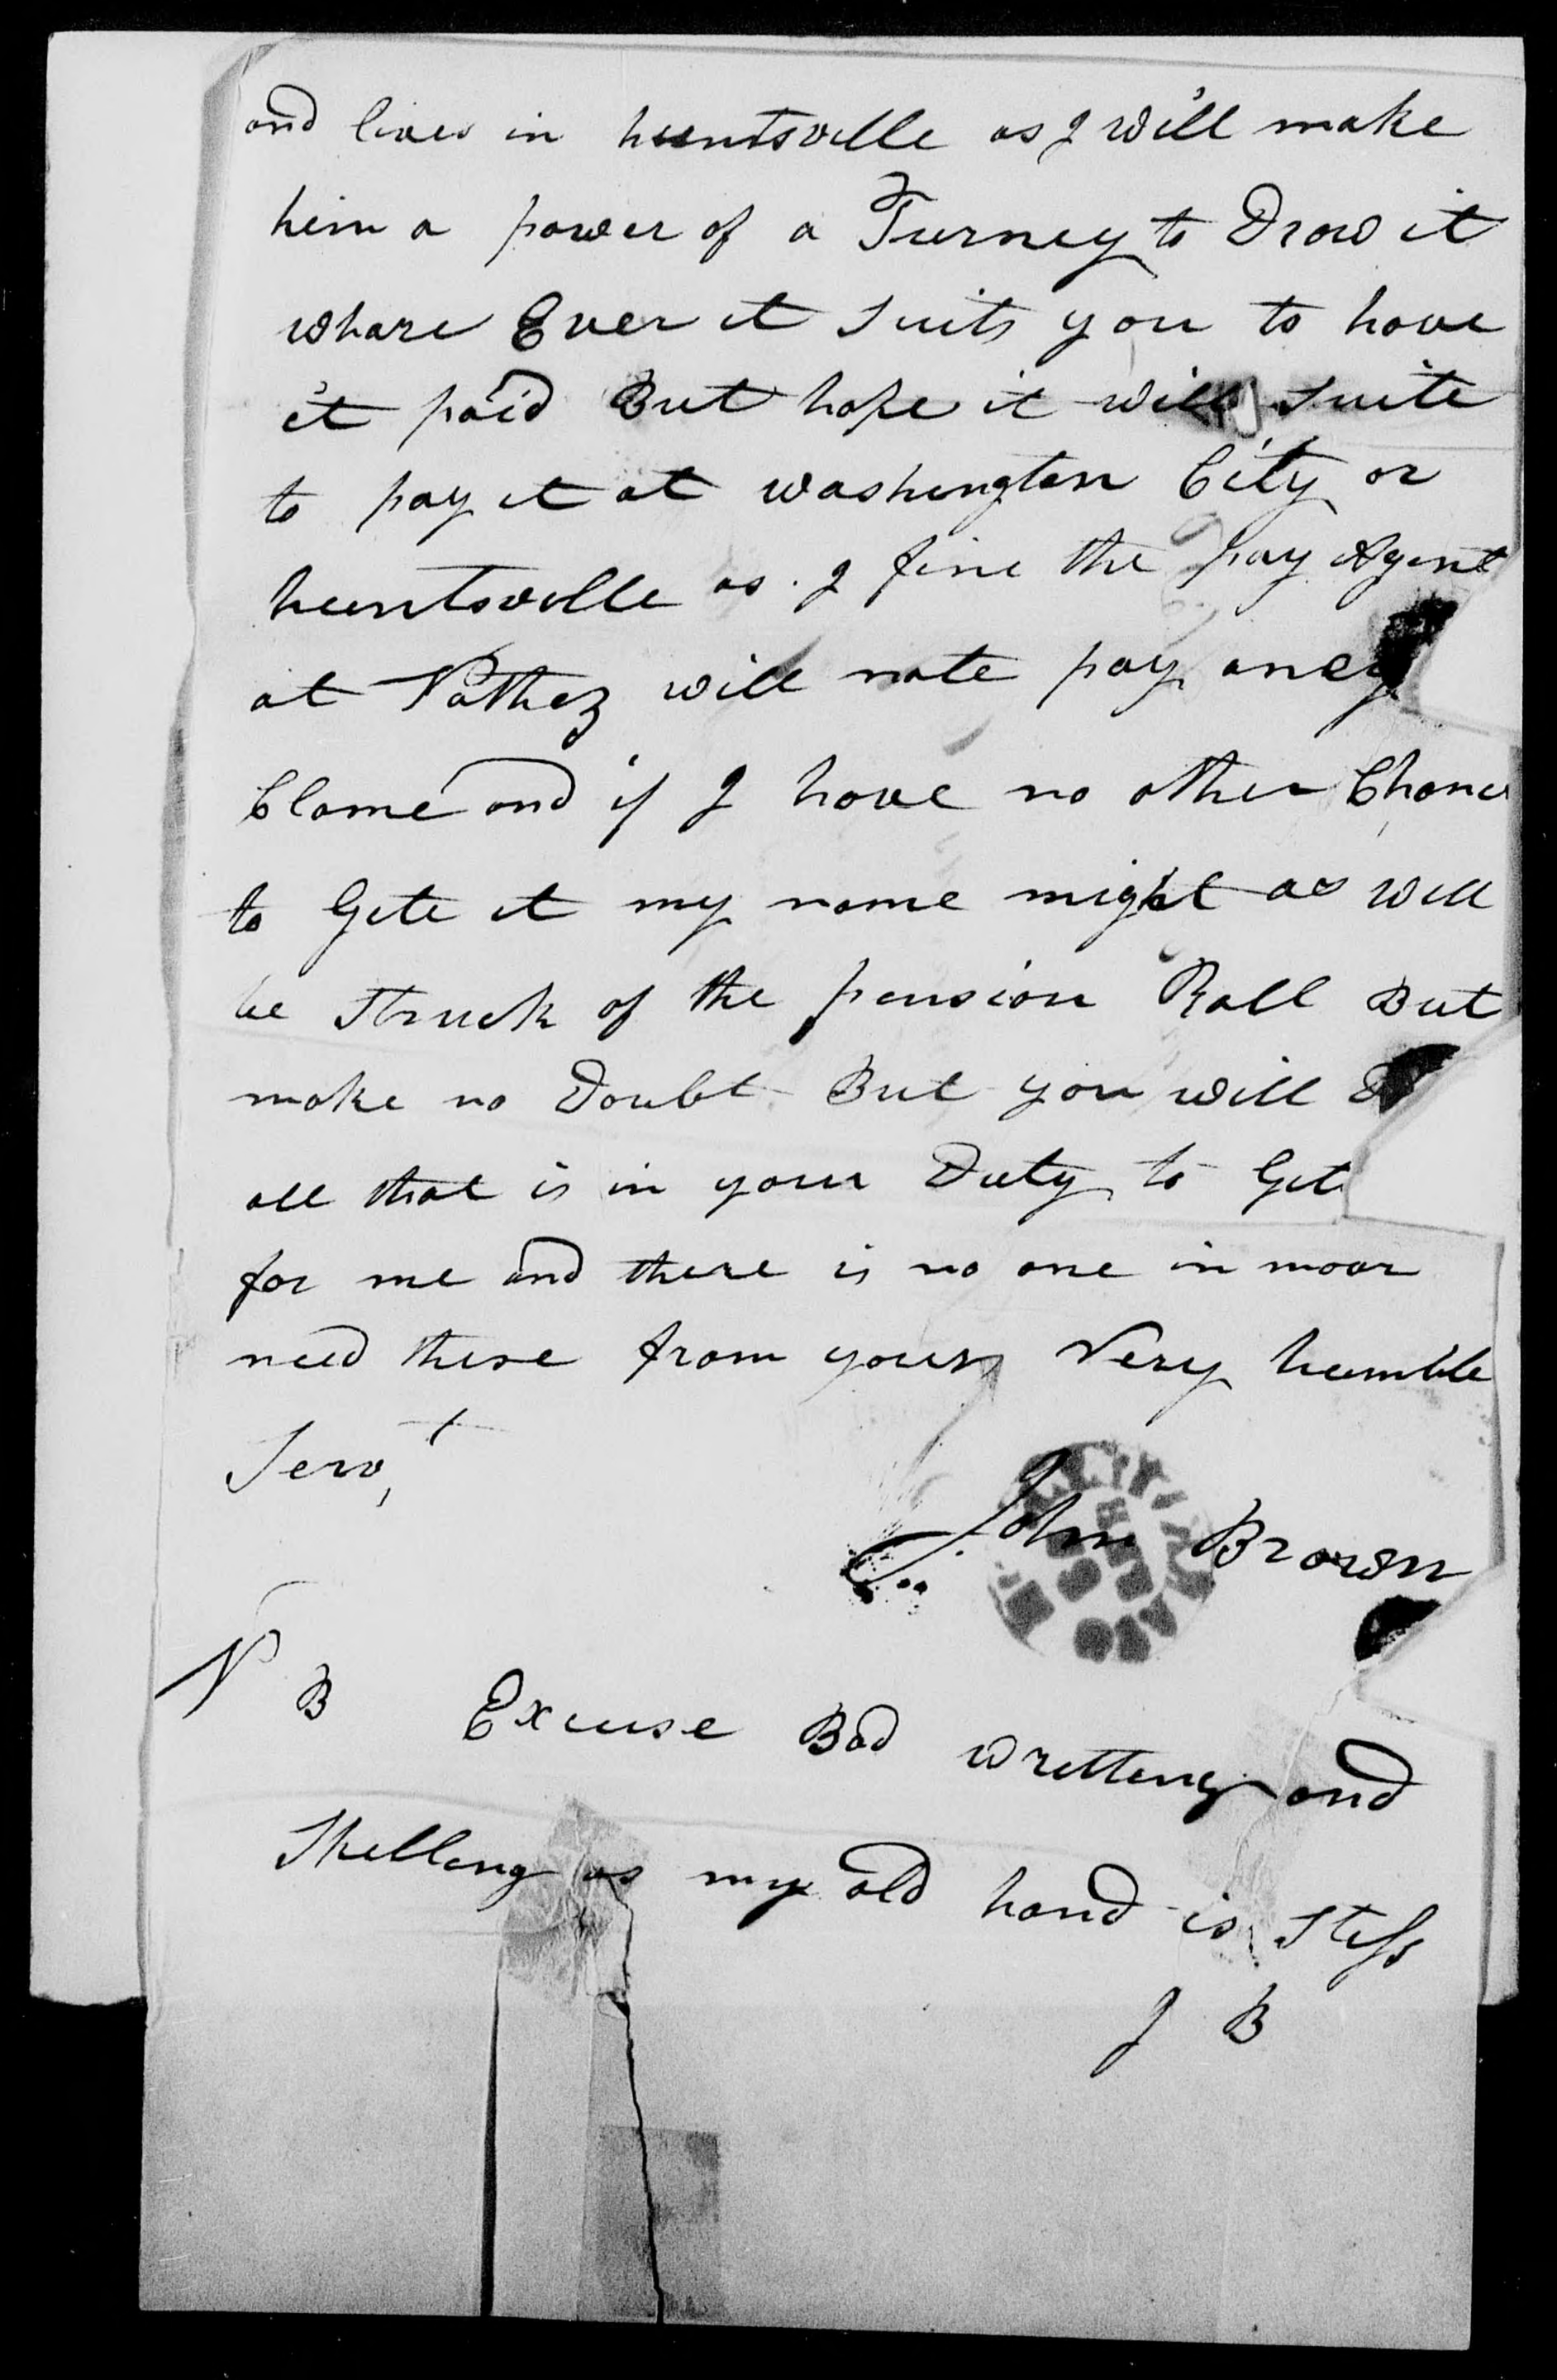and lives in huntsville as I will make
him a power of a Turney to Draw it
where ever it suits you to have
it paid but hope it will suite to pay it at Washington City or huntsville as I fine the pay Agent at Nachez will not pay [Illegible] Clame and if I have no other chance to get it my name might as well be struck of the pension Roll But
make no doubt but you will [Illegible]
all that is in your duty to get for me and there is no one in moor need these from your very humble
Servt s/ John Brown
NB Excuse Bad writing and Spelling
as my old hand is stiff JB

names: John Brown, J B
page: 85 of 85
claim: widow's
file: W. 5,906, John Brown, S.C.